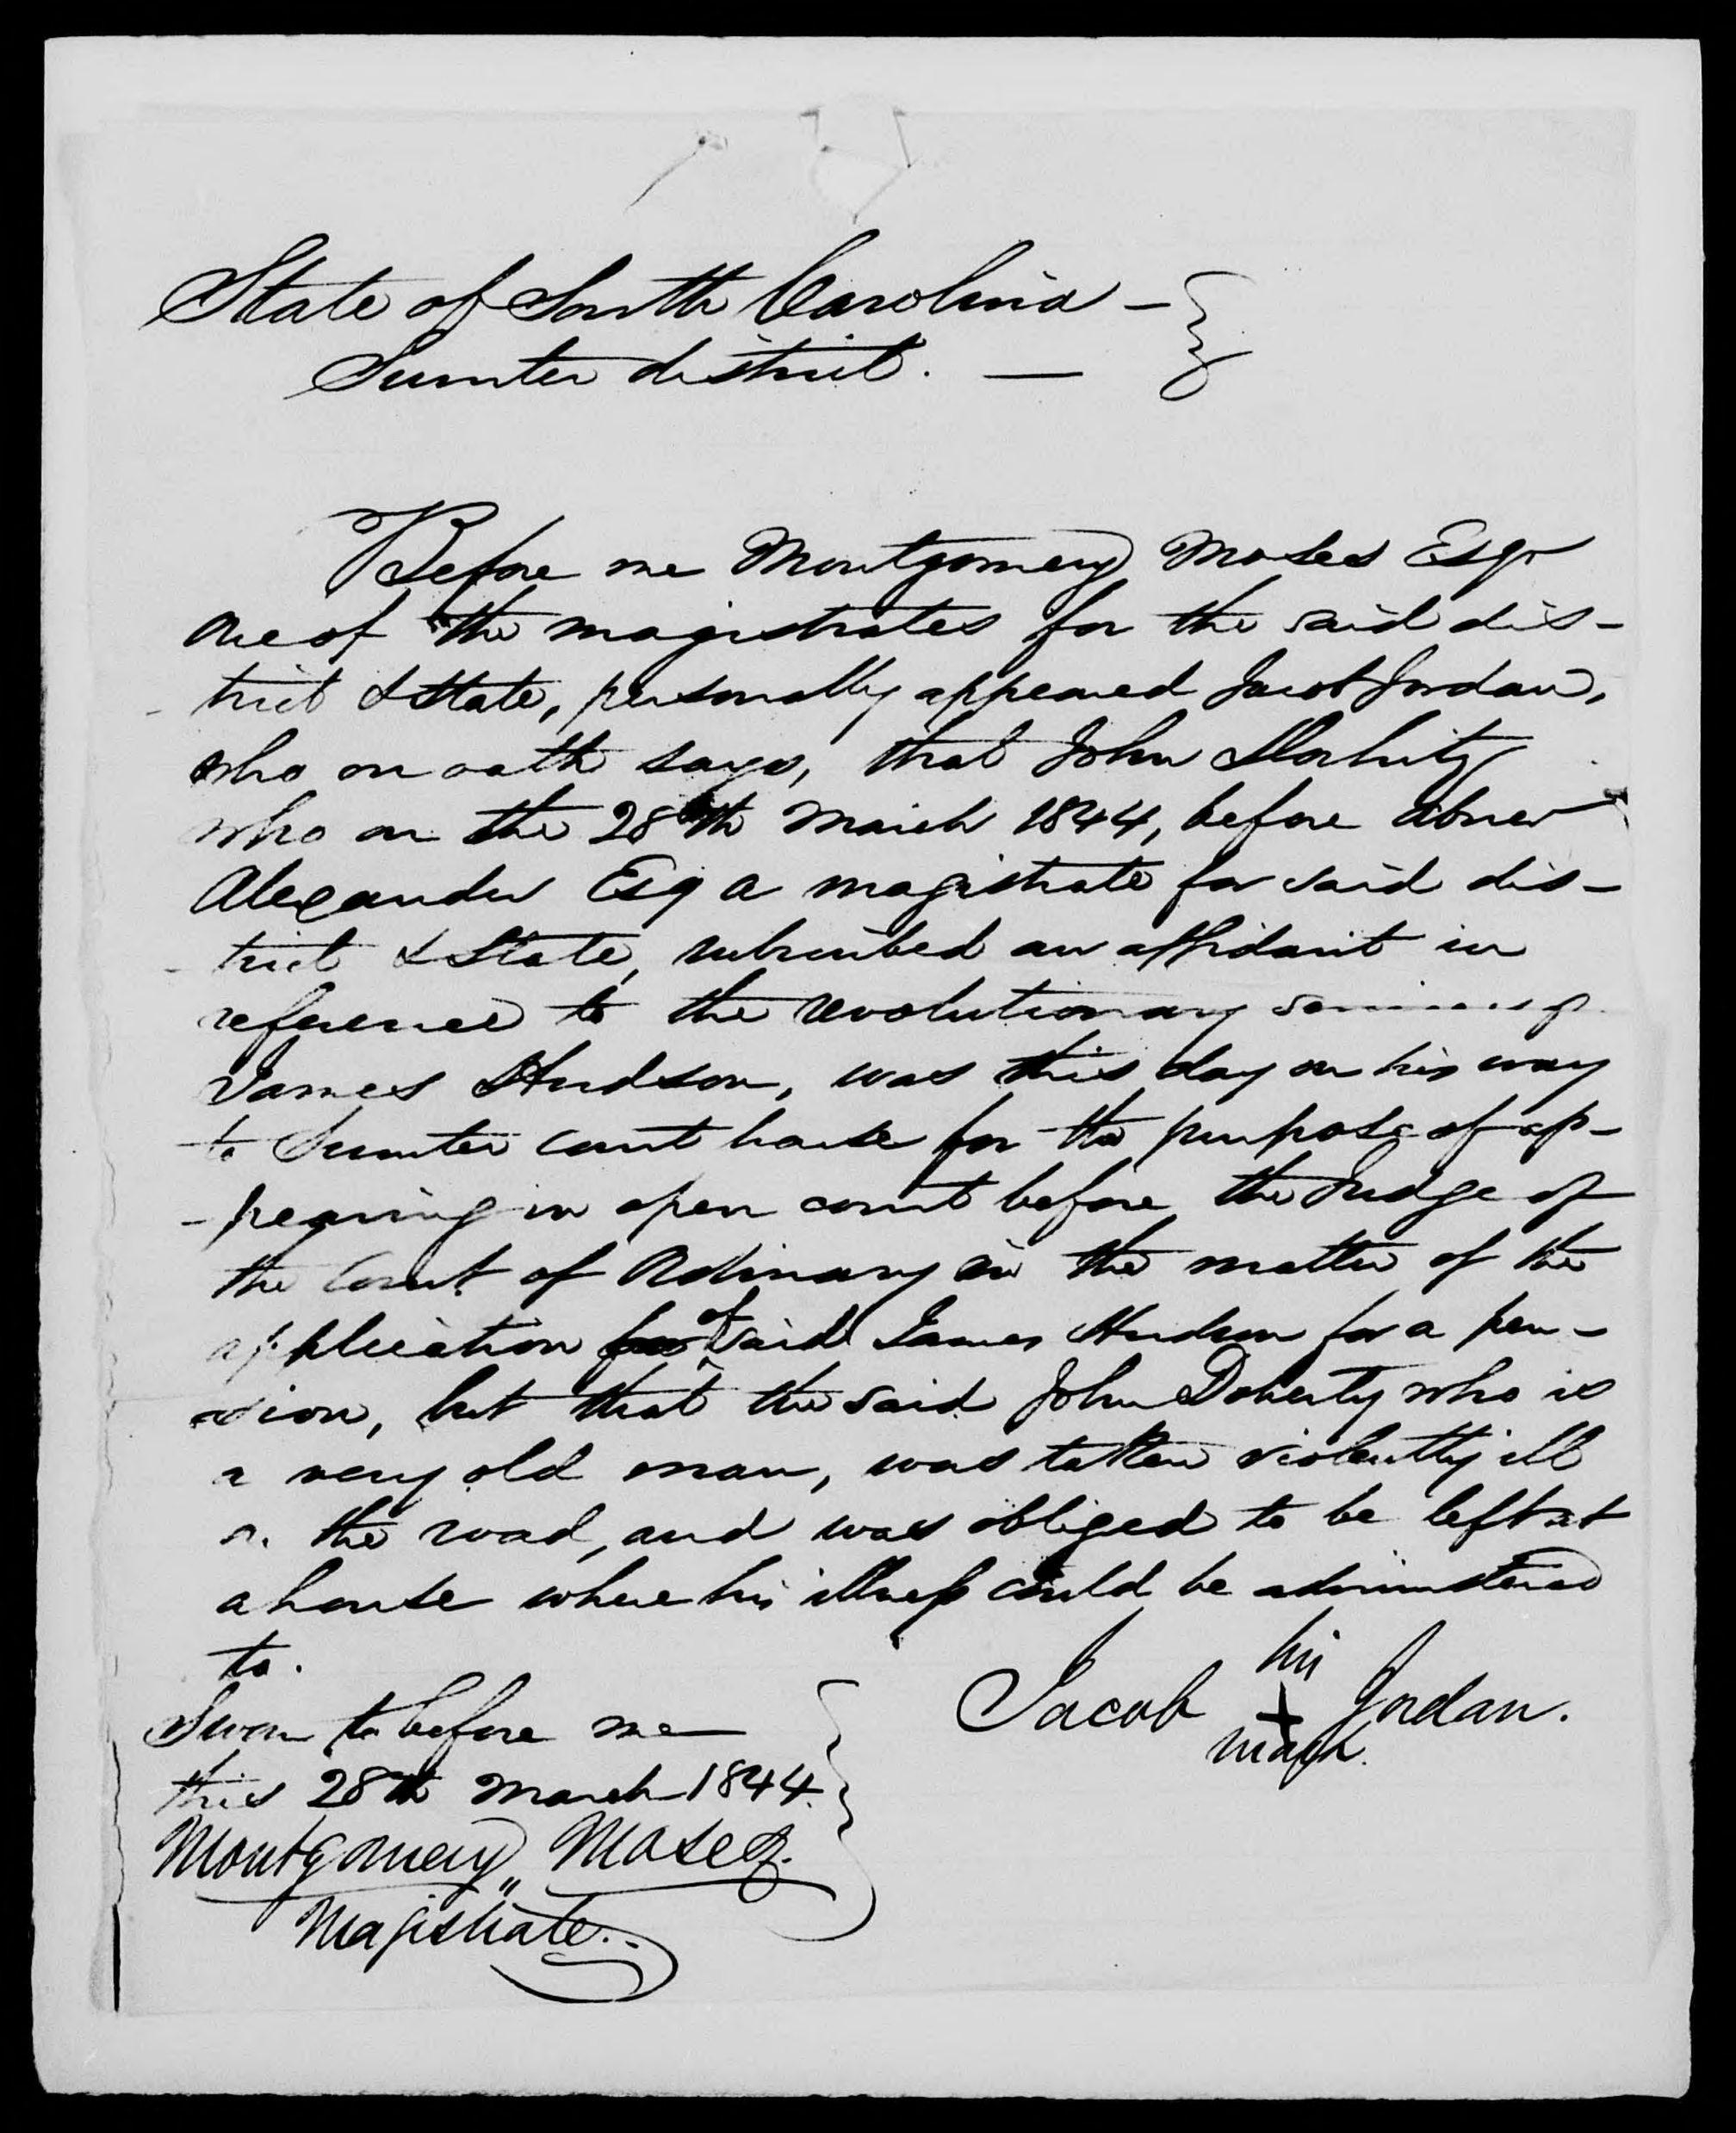State of South Carolina
Sumter district

Before me Montgomery Moses Esq one of the magistrates for the said district and state, personally appeared Jacob Jordan, who on oath says, that John Dorhity who on the 28th March 1844, before Abner Alexander Esq a magistrate for said district of state submitted an affidavit in reference to the revolutionary services of James Hudson, was this day on his way to Sumter court house for the purpose of appearing in open court before the judge of the Court of (illegible) in the matter of the application of said James Hudson for a pension, but that the said John Doherty who is a very old man, was taken violently ill on the road, and was obliged to be left at a house where his illness could be administered to. 
Sworn to before me                
this 28th March 1844.
Montgomery Moses.
Magistrate

x his mark Jacob Jordan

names: Jacob Jordan, Montgomery Moses, John Dorhity, John Doherty, James Hudson, Abner Alexander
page: 9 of 33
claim: rejected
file: R. 5334, James Hudson, N.C.